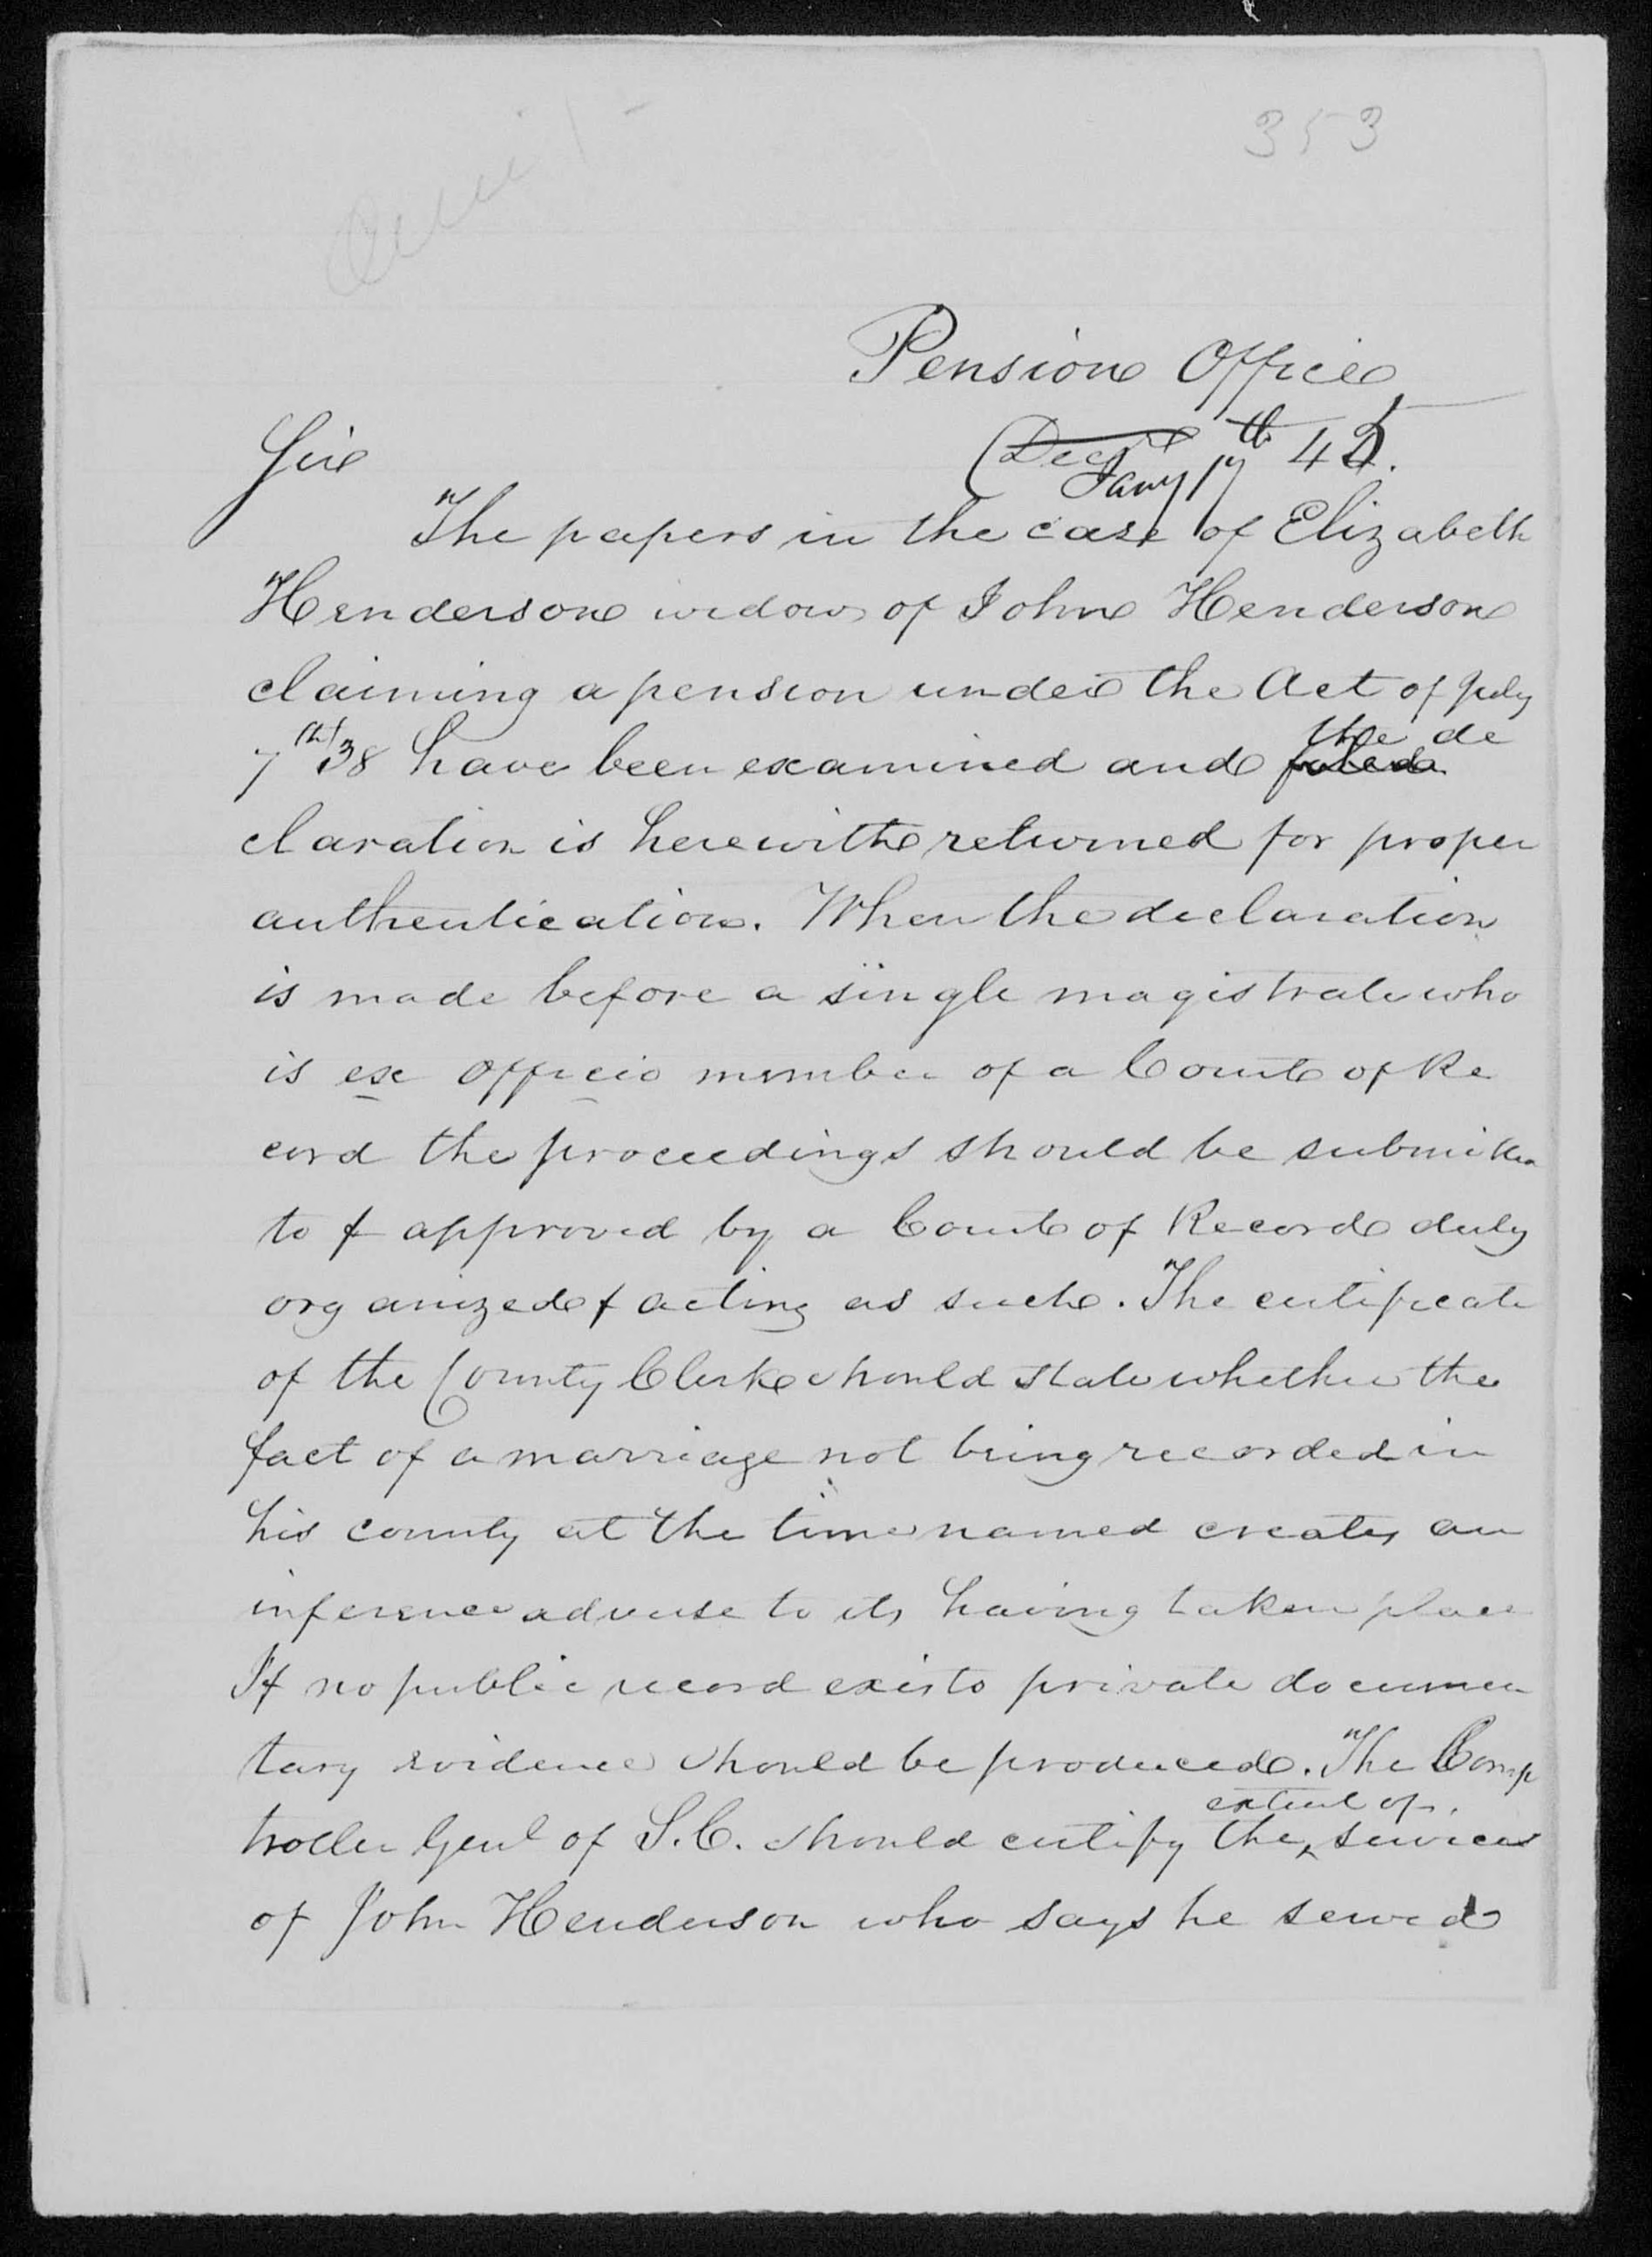353
Pensions Offices
Decr. [crossed out] Jany 17th 45.
Sir
The papers in the case of Elizabeth Henderson widow of John Henderson claiming a pension under the Act of July 7th 38 have been examined and the declaration is herewith returned for proper authentication. When the declaration is made before a single magistrate who is esc officio member of a Court of Record the proceedings should be submitted to & approved by a Court of Record duly organized & acting as such. The certificate of the County Clerk should state whether the fact of a marriage not being recorded in his county at the time named creates an inference adverse to its having taken place  If no public record exists private documentary evidence should be produced. The comptroller Genl of S.C. should certify the entire of Services of John Henderson who says he served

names: Elizabeth Henderson, John Henderson, John Henderson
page: 29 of 40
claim: rejected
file: R. 4,869, John Henderson, S.C.